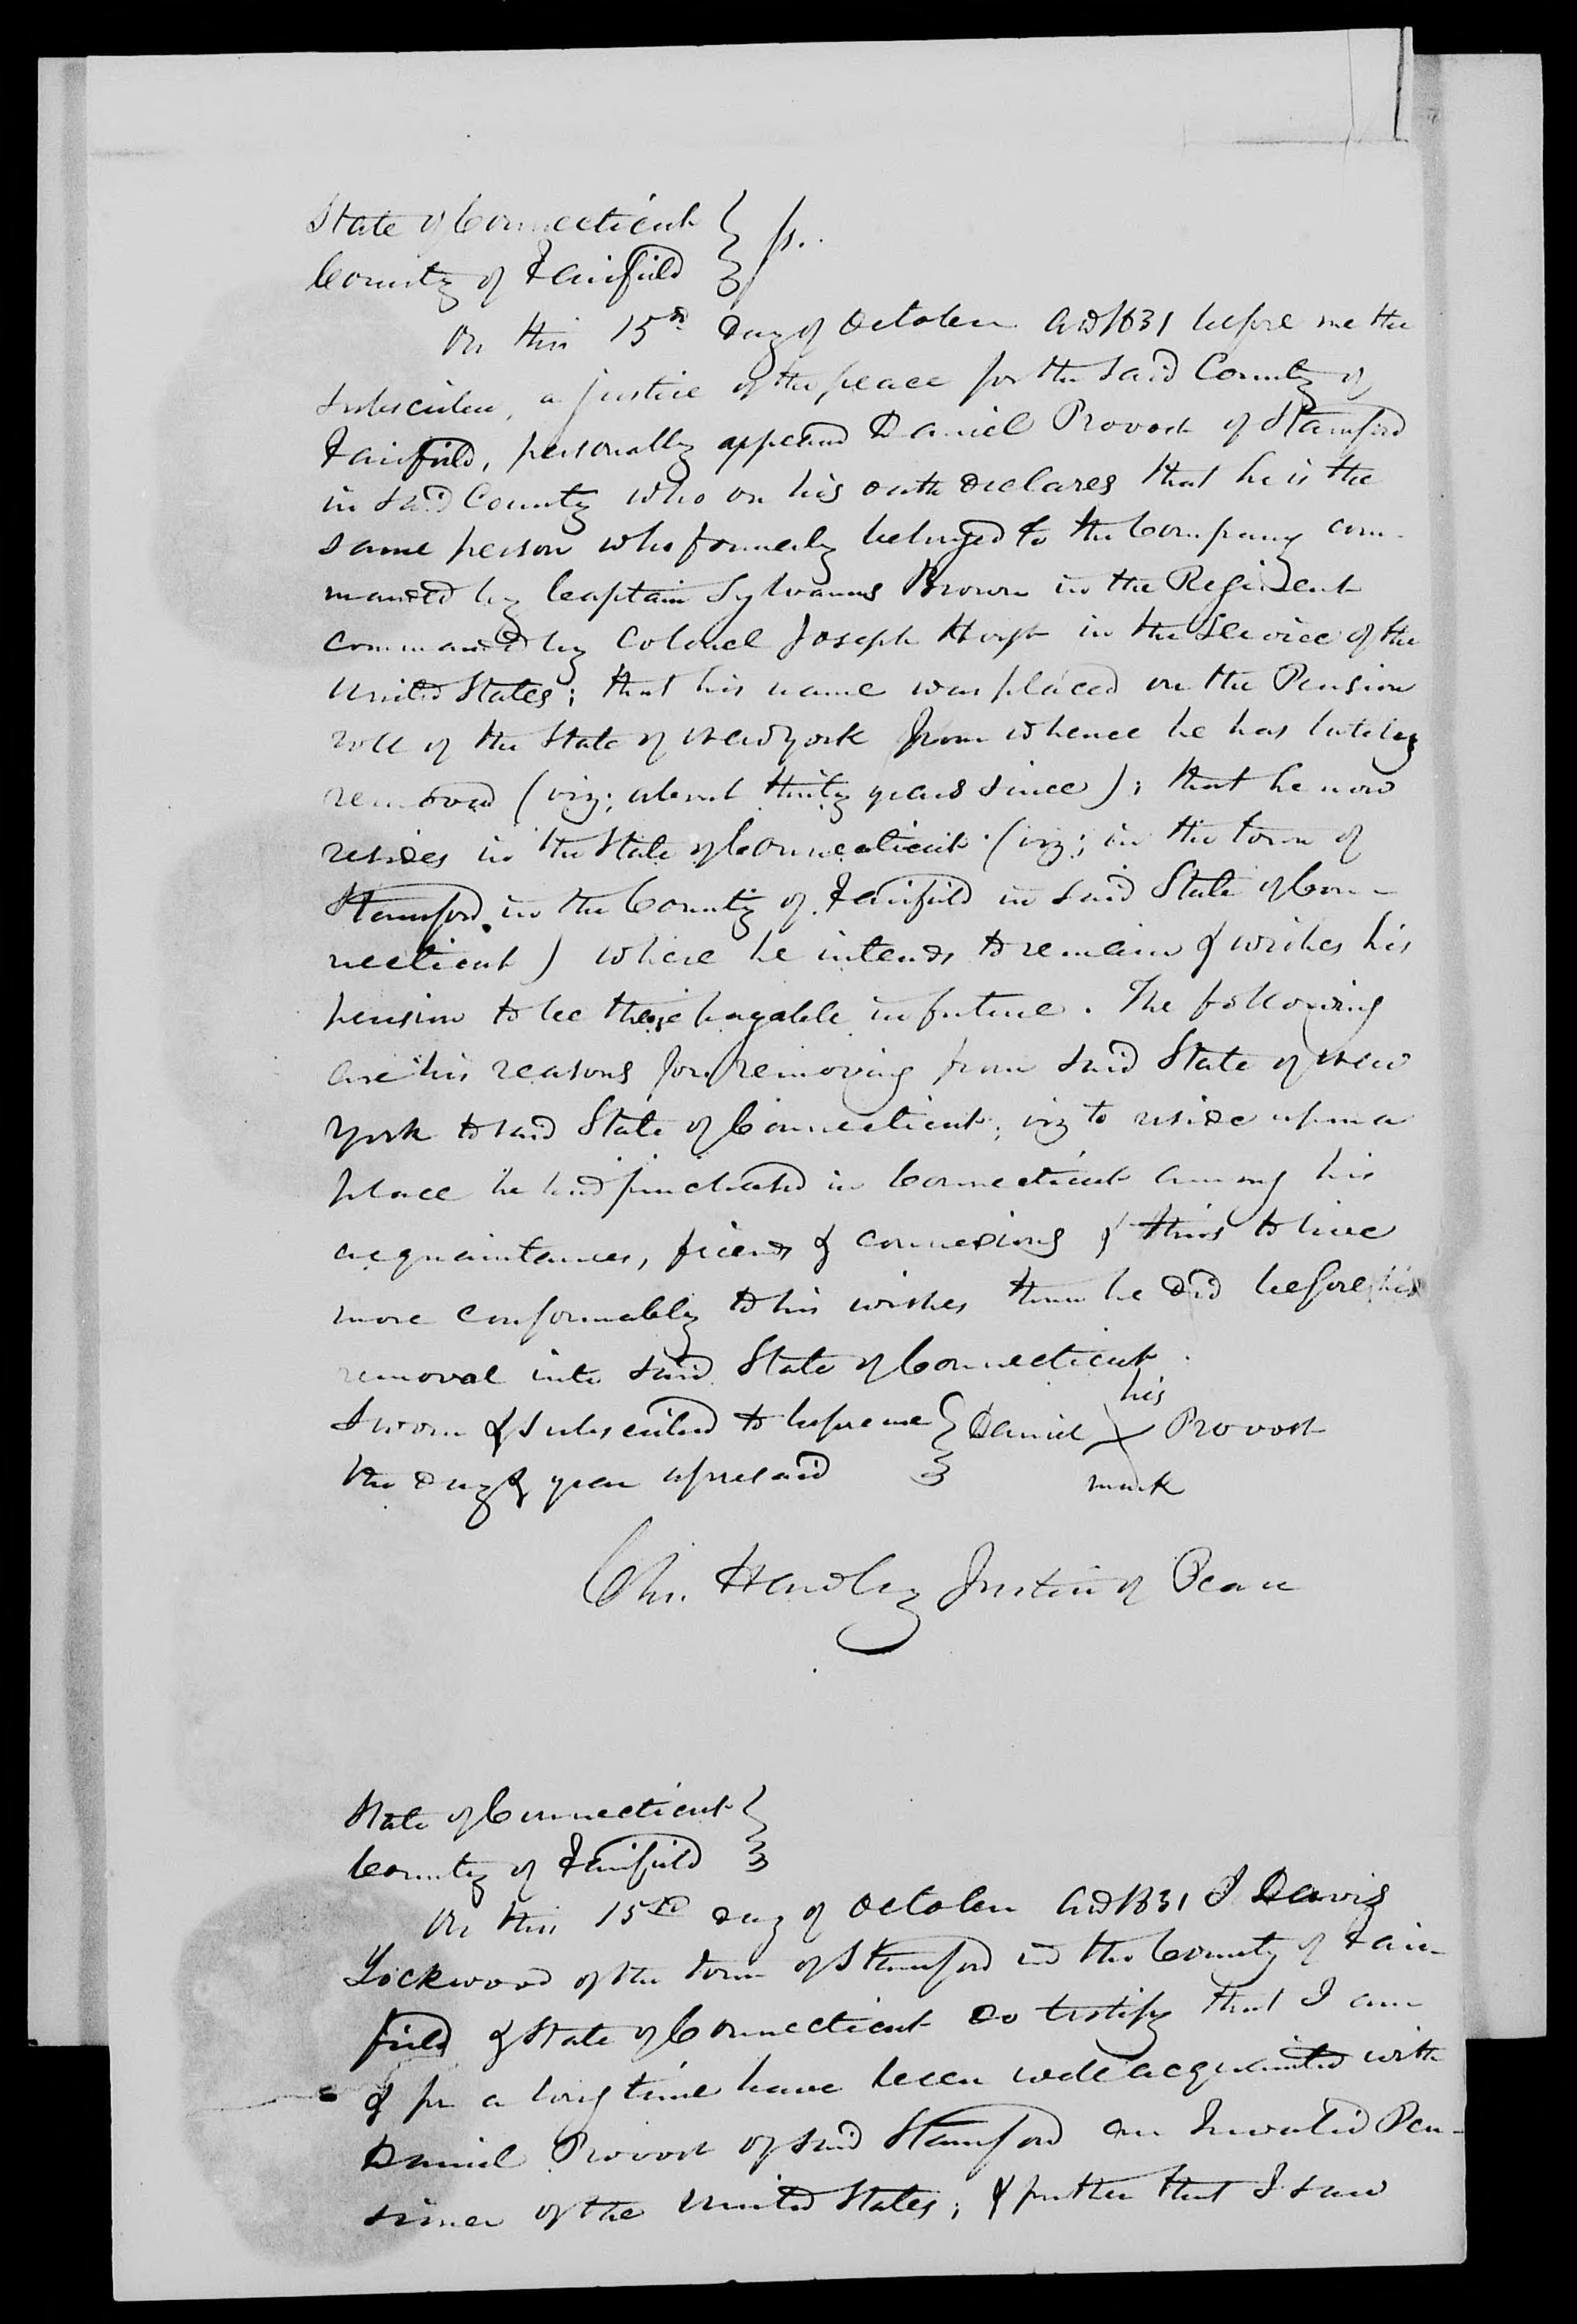State of Connecticut }
County of Fairfield } ss
On this 15th day of October AD 1831 before me the
Subscriber a Justice of the peace for the said County of
Fairfield, personally appeared Daniel Provost of Stamford
in said County who on his oath declares that he is the 
same person who formerly belonged to the Company commanded 
by Captain Sylvanus Brown in the Regiment
commanded by Colonel Joseph Hoyt in the service of the
United States; that his name was placed on the Pension
roll of the State of New York from whence he has lately
removed (viz; about thirty years since); that he now
resides in the State of Connecticut (viz; in the town of
Stamford in the County of Fairfield in said State of Connecticut} 
where he intends to remain & wishes his
pension to be there payable in future. The following
are his reasons for removing from said State of New York
to said State of Connecticut viz to reside upon a
place he had purchased in Connecticut [illegible] his
acquaintances, friends & conveying of this to live
more conformably to his wishes than he did before his
removal into and State of Connecticut
Daniel Provost his X mark
Chs Hawley Justice of Peace
State of Connecticut }
County of Fairfield }
On this 15th day of October AD 1831 I Davis
Lockwood of the town of Stamford in the County of Fairfield
& State of Connecticut do testify that I am
& for a long time have been well acquainted with
Daniel Provost of said Stamford an Invalid Pensioner
of the United States; & further state I saw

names: Chs Hawley; Daniel Provost; Joseph Hoyt; Davis Lockwood; Sylvanus Brown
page: 16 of 24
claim: survivor's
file: S. 20,926, for Daniel Provost, Connecticut